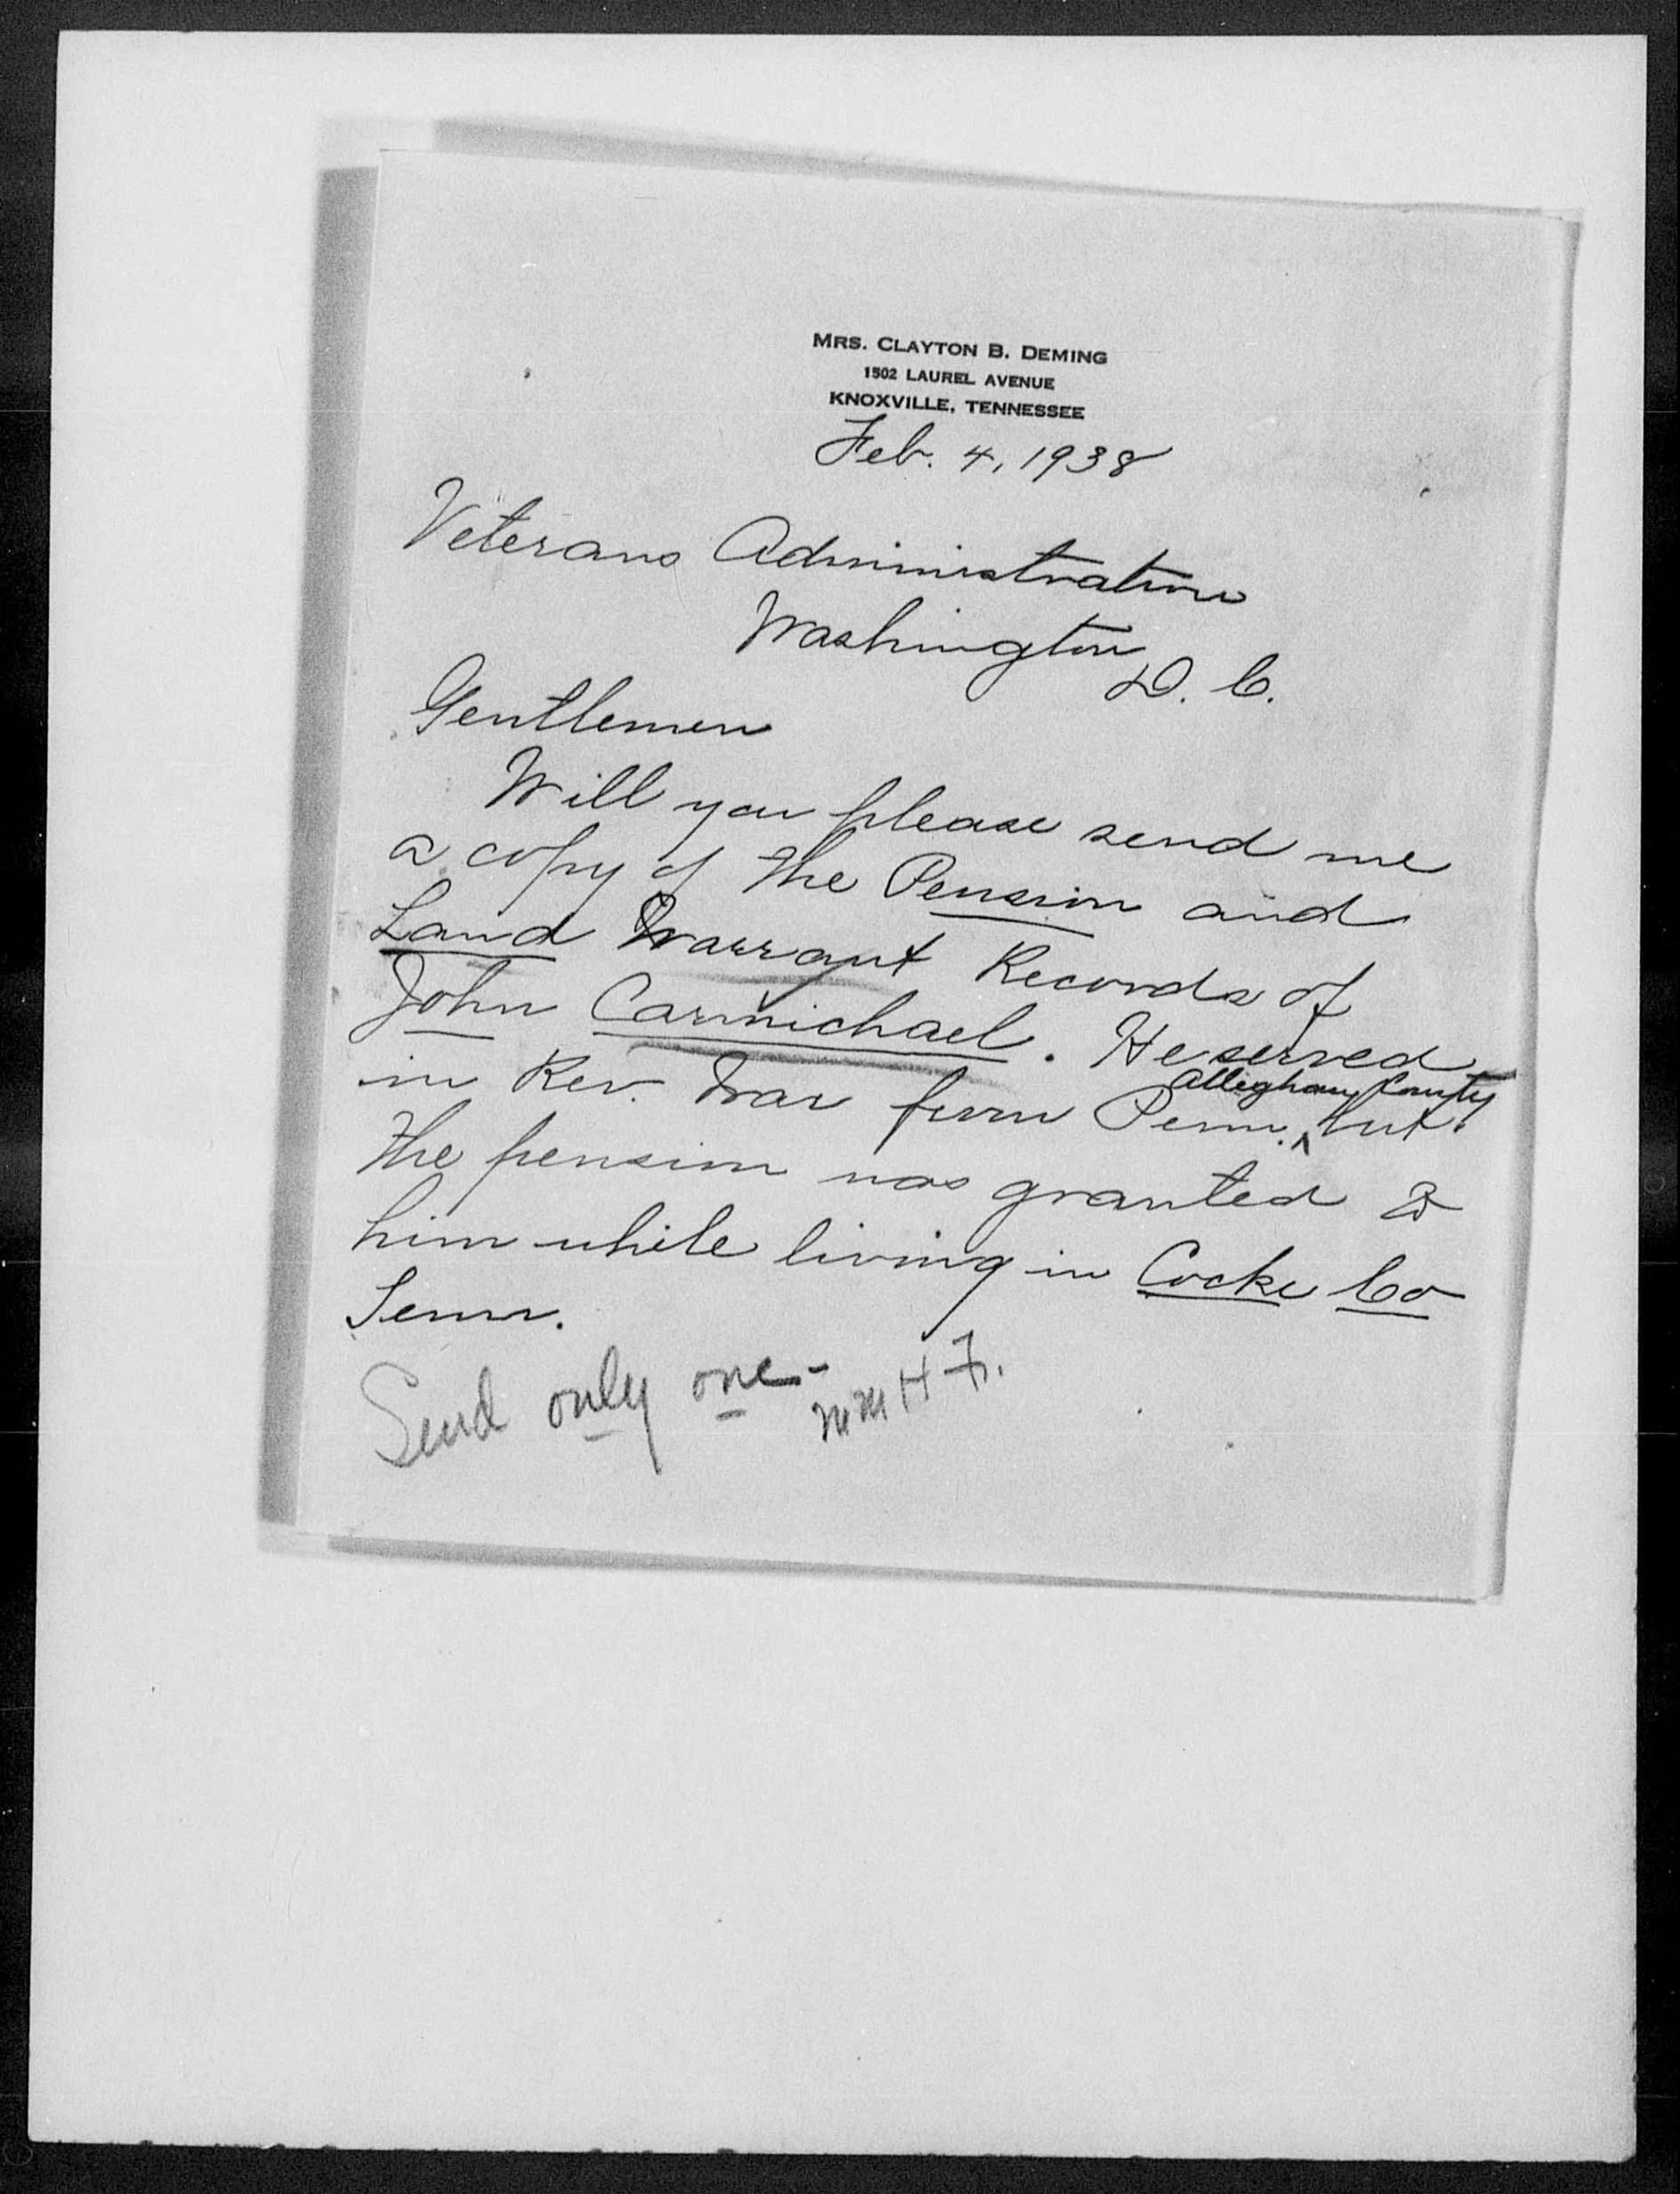Mrs. Clayton B. Deming
1502 Laurel Avenue
Knoxville, Tennessee
Feb. 4, 1938

Veterans Administration
Washington D.C.

Gentlemen:
 Will you please send me a copy of the pension and land warrant records of John Carmichael.  He served in the Rev. War from Allegheny County, Pen., but the pension was granted to him while living in Cooke Co. Tenn. 

Send only one - MMHF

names: John Carmichael, Clayton B Deming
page: 34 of 42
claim: survivor's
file: S. 31,595, John Carmickele, Penn.